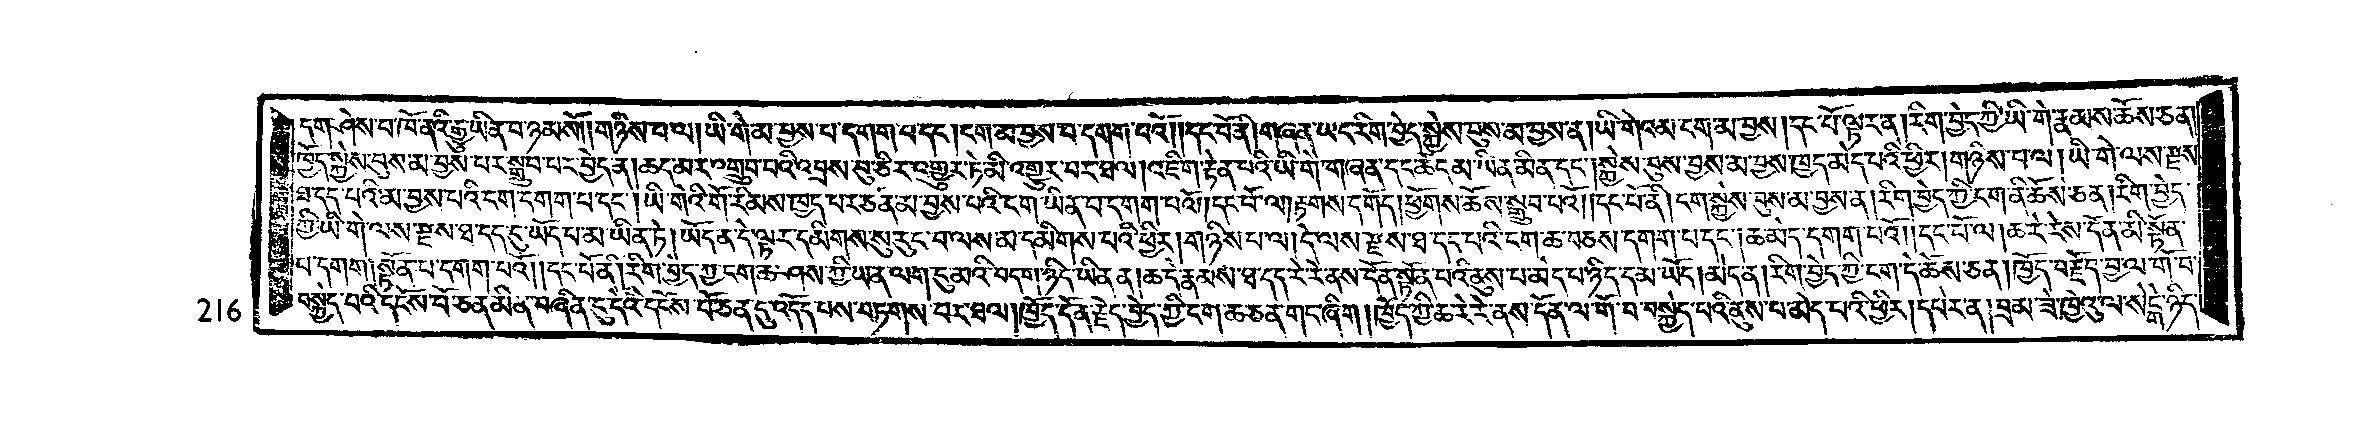དག་ཤེས་པ་ཁོ་ནའི་རྒྱུ་ཡིན་པ་ཉམས་སོ། གཉིས་པ་ལ། ཡི་གེ་མ་བྱས་པ་དགག་པ་དང་། ངག་མ་བྱས་པ་དགག་པའོ། །དང་པོ་ནི། གཞན་ཡང་རིག་བྱེད་སྐྱེས་བུས་མ་བྱས་ན། ཡི་གེ་འམ་ངག་མ་བྱས། དང་པོ་ལྟར་ན། རིག་བྱེད་ཀྱི་ཡི་གེ་རྣམས་ཆོས་ཅན།
ཁྱོད་སྐྱེས་བུས་མ་བྱས་པར་སྒྲུབ་པར་བྱེད་ན། ཚད་མར་འགྲུབ་པའི་འབྲས་བུ་ཅིར་འགྱུར་ཏེ་མི་འགྱུར་པར་ཐལ། འཇིག་རྟེན་པའི་ཡི་གེ་གཞན་དང་ཚད་མ་ཡིན་མིན་དང་། སྐྱེས་བུས་བྱས་མ་བྱས་ཁྱད་མེད་པའི་ཕྱིར། གཉིས་པ་ལ། ཡི་གེ་ལས་རྫས་
ཐ་དད་པའི་མ་བྱས་པའི་ངག་དགག་པ་དང་། ཡི་གེའི་གོ་རིམས་ཁྱད་པར་ཅན་མ་བྱས་པའི་ངག་ཡིན་པ་དགག་པའོ། །དང་པོ་ལ། རྟགས་དགོད། ཕྱོགས་ཆོས་སྒྲུབ་པའོ། །དང་པོ་ནི། དག་སྐྱེས་བུས་མ་བྱས་ན། རིག་བྱེད་ཀྱི་ངག་ནི་ཆོས་ཅན། རིག་བྱེད་
ཀྱི་ཡི་གེ་ལས་རྫས་ཐ་དད་དུ་ཡོད་པ་མ་ཡིན་ཏེ། ཡོད་ན་དེ་ལྟར་དམིགས་སུ་རུང་བ་ལས་མ་དམིགས་པའི་ཕྱིར། གཉིས་པ་ལ། དེ་ལས་རྫས་ཐ་དད་པའི་ངག་ཆ་བཅས་དགག་པ་དང་། ཆ་མེད་དགག་པའོ། །དང་པོ་ལ། ཆ་རེ་རེས་དོན་མི་སྟོན་
པ་དགག །སྟོན་པ་དགག་པའོ། །དང་པོ་ནི། རིག་བྱེད་ཀྱི་ངག་ཆ་ཤས་ཀྱི་ཡན་ལག་དུ་མའི་བདག་ཉིད་ཡིན་ན། ཆ་དེ་རྣམས་ཐ་དད་རེ་རེ་ནས་དོན་སྟོན་པའི་ནུས་པ་མེད་པ་ཉིད་དམ་ཡོད། མེད་ན། རིག་བྱེད་ཀྱི་དག་དེ་ཆོས་ཅན། ཁྱོད་བརྗོད་བྱ་ལ་གོ་བ་
བསྐྱེད་པའི་དངོས་པོ་ཅན་མིན་བཞིན་དུ་དེའི་དངོས་པོ་ཅན་དུ་འདོད་པས་བཏགས་པར་ཐལ། ཁྱོད་དོན་རྗེད་བྱེད་ཀྱི་ངག་ཆ་ཅན་གང་ཞིག །ཁྱོད་ཀྱི་ཆ་རེ་རེ་ནས་དོན་ལ་གོ་བ་བསྐྱེད་པའི་ནུས་པ་མེད་པའི་ཕྱིར། དཔེར་ན། བྲམ་ཟེ་ཁྱེའུ་ལ་སེངྒེ་ཉིད་